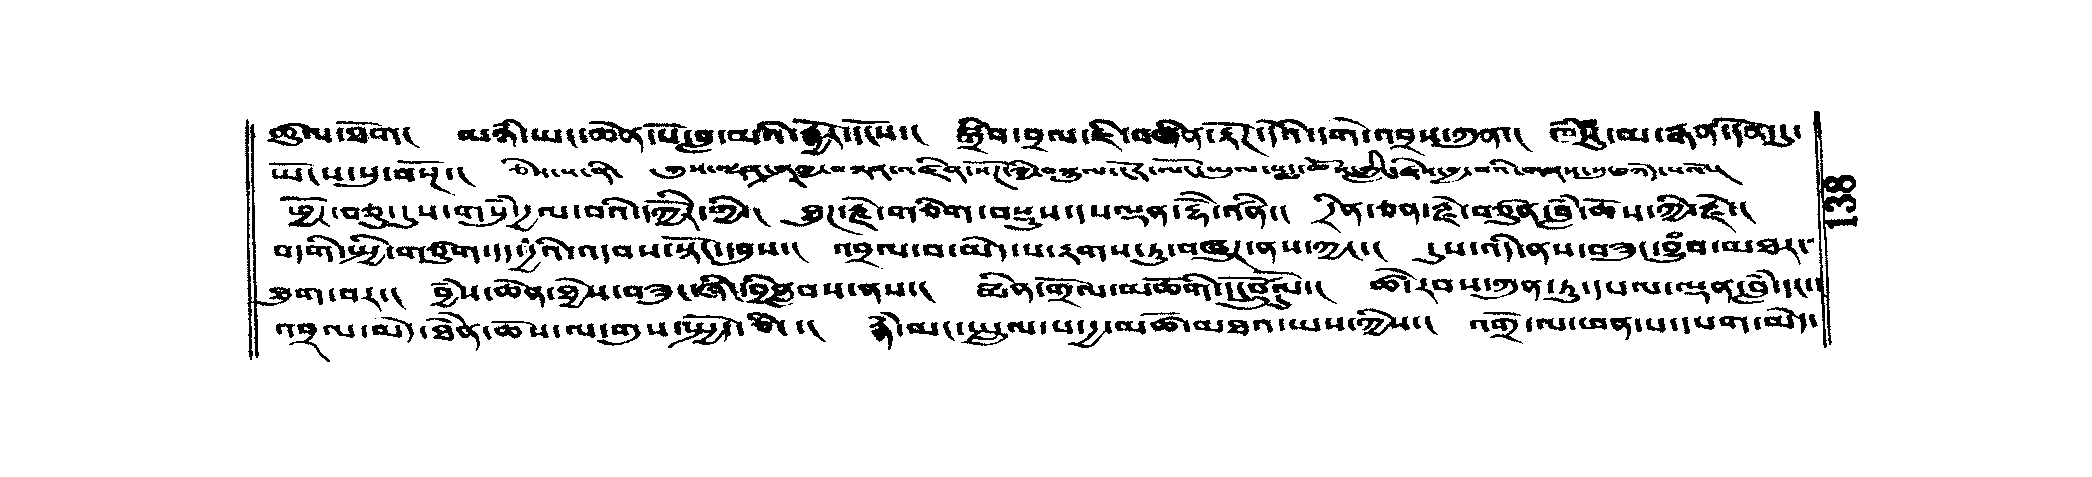ཚུལ་ཐོག །མཉམ་ཡངས་ཆེན་པོ་བླ་མའི་རྣལ་འབྱོར་དངོས། །སྒྲིབ་བྲལ་ཇི་བཞིན་རྟོགས་དེའི་དགེ་འབྲས་ཀུན། །ཁམས་གསུམ་མ་རྒན་དོན་དུ་
ཡོངས་སུ་བསྔོ།། ཞེས་པ་ནི་གུས་ལྡན་ཤཱཀྱ་བསྟན་འཛིན་སོགས་ཀྱི་བསྐུལ་ངོར་ལོང་ཡུལ་པདྨ་ཆོས་གླིང་ཞེས་བྱ་བའི་གནས་སུ་བཀོད་པའོ།། 
ཕྱོགས་བཅུ་དུས་གསུམ་རྒྱལ་བའི་དཀྱིལ་འཁོར་གྱི། །ཐུགས་རྗེ་གཅིག་བསྡུས་དཔལ་ལྡན་རྡོ་རྗེ་འཛིན། །དྲིན་ཅན་རྗེ་བཙུན་བླ་མ་ཆོས་ཀྱི་རྗེ། །
བདག་གི་སྤྱི་གཙུག་དད་བརྒྱའི་འདབས་སྟོང་དབུས། །འབྲལ་བ་མེད་པ་རྟག་ཏུ་བཞུགས་ནས་ཀྱང་། །དུས་འདི་ནས་བཟུང་བྱང་ཆུབ་མཐར་
ཐུག་བར། །བྱམས་ཆེན་ཐུགས་རྗེས་བཟུང་ཞིང་བྱིན་རླབས་ནས། །སྨིན་གྲོལ་མཆོག་གི་དངོས་གྲུབ་བསྐུལ་དུ་གསོལ། །ཚེ་རབས་ཀུན་ཏུ་དཔལ་ལྡན་བླ་མ་དང་། །
འབྲལ་མེད་ཐེག་ཆེན་ཆོས་ལ་གུས་སྤྱོད་ཅིང་། །རྣམ་མང་སྤྲུལ་པ་རྒྱ་མཚོ་མཐའ་ཡས་ཀྱིས། །འགྲོ་ལ་ཕན་པ་དཔག་མེད་